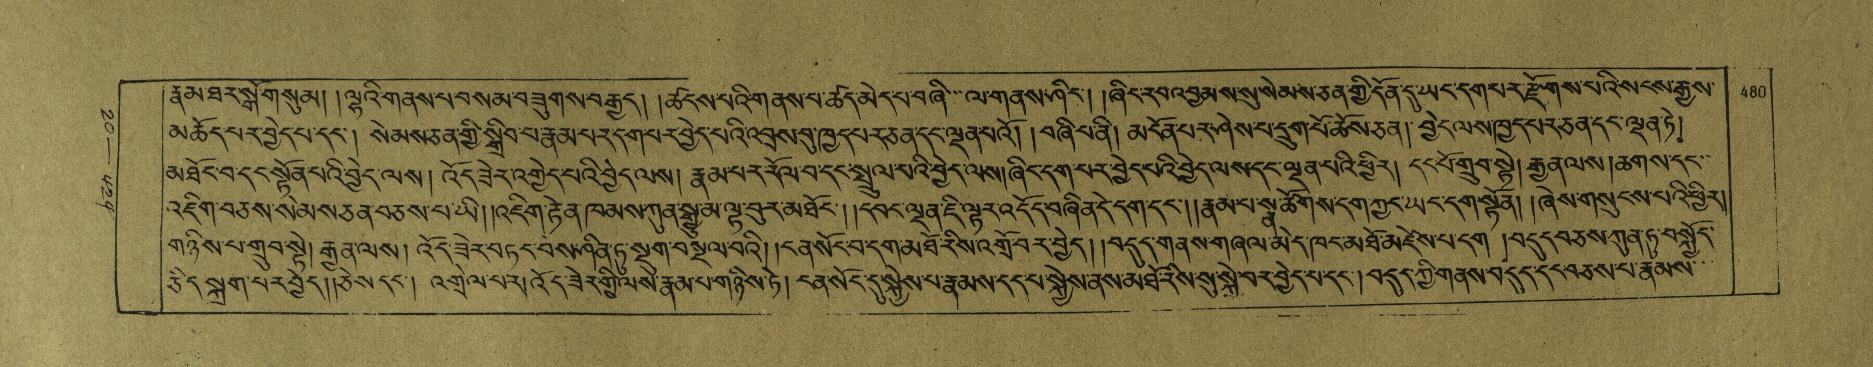རྣམ་ཐར་སྒོ་གསུམ། །ལྷའི་གནས་པ་བསམ་བཟུགས་བརྒྱད། །ཚངས་པའི་གནས་པ་ཚད་མེད་པ་བཞི་ལ་གནས་ཤིང་། །ཞིང་རབ་འབྱམས་སུ་སེམས་ཅན་གྱི་དོན་དུ་ཡང་དག་པར་རྫོགས་པའི་སངས་རྒྱས་
མཆོད་པར་བྱེད་པ་དང་། སེམས་ཅན་གྱི་སྒྲིབ་པ་རྣམ་པར་དག་པར་བྱེད་པའི་འབྲས་བུ་ཁྱད་པར་ཅན་དང་ལྡན་པའོ། །བཞི་པ་ནི། མངོན་པར་ཤེས་པ་དྲུག་པོ་ཆོས་ཅན། བྱེད་ལས་ཁྱད་པར་ཅན་དང་ལྡན་ཏེ།
མཐོང་བ་དང་སྟོན་པའི་བྱེད་ལས། འོད་ཟེར་འགྱེད་པའི་བྱེད་ལས། རྣམ་པར་རོལ་བ་དང་སྤྲུལ་པའི་བྱེད་ལས། ཞིང་དག་པར་བྱེད་པའི་བྱེད་ལས་དང་ལྡན་པའི་ཕྱིར། དང་པོ་གྲུབ་སྟེ། རྒྱན་ལས། ཆགས་དང་
འཇིག་བཅས་སེམས་ཅན་བཅས་པ་ཡི། །འཇིག་རྟེན་ཁམས་ཀུན་སྒྱུ་མ་ལྟ་བུར་མཐོང་། །དབང་ལྡན་ཇི་ལྟར་འདོད་བཞིན་དེ་དག་དང་། །རྣམ་པ་སྣ་ཚོགས་དག་ཀྱང་ཡང་དག་སྟོན། །ཞེས་གསུངས་པའི་ཕྱིར།
གཉིས་པ་གྲུབ་སྟེ། རྒྱན་ལས། འོད་ཟེར་བཏང་བས་ཤིན་ཏུ་སྡུག་བསྔལ་བའི། །ངན་སོང་བ་དག་མཐོ་རིས་འགྲོ་བར་བྱེད། །བདུད་གནས་གཞལ་མེད་ཁང་མཐོ་མཛེས་པ་དག །བདུད་བཅས་ཀུན་ཏུ་བསྐྱོད་
ཅིད་སྐྲག་པར་བྱེད། །ཅེས་དང་། འགྲེལ་པར། འོད་ཟེར་གྱི་ལས་རྣམ་པ་གཉིས་ཏེ། ངན་སོང་དུ་སྐྱེས་པ་རྣམས་དད་པ་སྐྱེས་ནས་མཐོ་རིས་སུ་སྐྱེ་བར་བྱེད་པ་དང་། བདུད་ཀྱི་གནས་བདུད་དང་བཅས་པ་རྣམས་